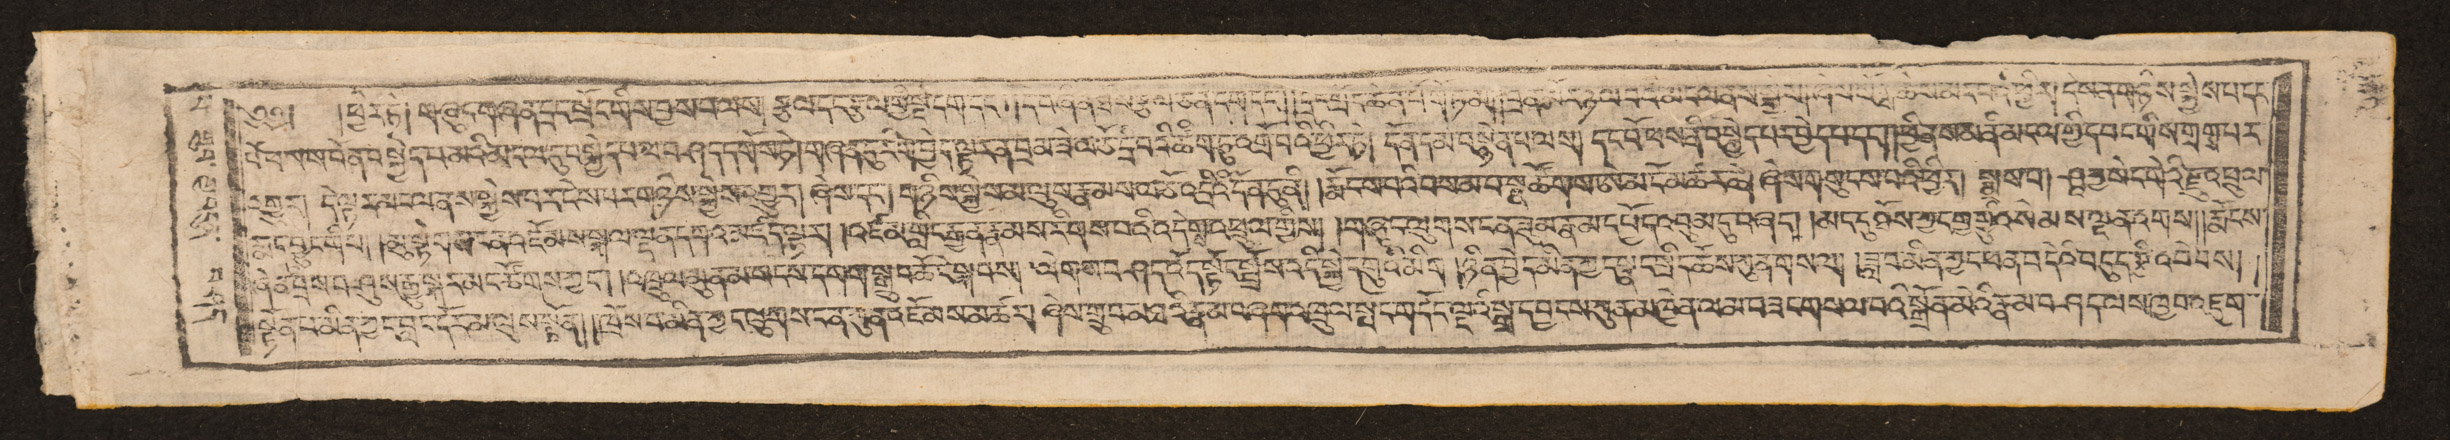༄༅། །ཕྱིར་ཏེ། གཞུང་གཞན་དྲང་སྲོང་གིས་བྱས་པ་ལས། རྩལ་དང་རྩལ་གྱི་སྡེ་དག་དང་། །དེ་བཞིན་ཐོབ་རྩལ་ཅན་དག་དང་། །དྲང་སྲོང་ཆེན་པོ་གོ་ཏ་མ། །བྲན་མོར་ཉལ་བའི་མངལ་ནས་སྐྱེས། ཞེས་སོགས་ཆེས་མང་བའི་ཕྱིར། ངེས་ན་གཉིས་
སྐྱེས་བ་དང་པོ་ཕས་ས་བོན་བསྐྱེད་པ་མའི་མངལ་དུ་བསྐྱེད་པ་ལ་བཤད་དགོས་ཏེ། གཞན་དུ་རིག་བྱེད་ལྟར་ན་བྲམ་ཟེ་ལ་ཅོ་དྲི་བའི་ཚིག་ཏུ་འགྲོ་བའི་ཕྱིར་ཏེ། དོན་དམ་བསྙེན་པ་ལས། དང་པོ་ཕས་ནི་བསྐྱེད་པར་བྱེད་པ་དང་། ཕྱི་ནས་མ་ནི་མངལ་གྱི་དབང་གིས་
གྲགས་པར་འགྱུར། དེ་ལྟར་མངལ་ནས་སྐྱེས་པར་ངེས་པར་གཉིས་སྐྱེས་འགྱུར། ཞེས་དང་། གཉིས་སྐྱེས་མ་ལུས་རྣམས་ལ་ཅོ་འདྲིའི་དོན་དུ་ནི། །རྨོངས་པའི་བསམ་པ་སྣ་ཚོགས་ཨེ་མངོ་མཚར་ཆེ། ཞེས་གསུངས་བའི་ཕྱིར། སྨྲས་པ། ཤཱཀྱ་སེང་གེའི་རྫུ་འཕྲུལ་
རྨད་བྱུང་གིས། །མུ་སྟེགས་ངན་འཇོམས་སྐལ་ལྡན་དགའ་མཛད་ལྟར། །འཛམ་གླིང་རྒྱ་ན་རྣམས་རིགས་པའི་འདེགས་འཕྲུལ་གྱིས། གཞུང་ལུགས་ངན་ཟུམ་རྣམ་དཔྱོད་འབུམ་དུས་ཞད། །མང་དུ་ཐོས་ཀྱང་གྱ་གྱུའི་སེམས་ལྡན་འགས། །རྨོངས་
ཞེན་བྲིས་བ་ཤུས་རྒྱུ་སྐར་མང་ཚོགས་ཀྱང་། །འཁྲུལ་མུན་མ་སངས་དགག་སྒྲུབ་ཆོ་དེ་སྐབས། །ལེགས་བཤད་འོད་སྟོང་སྤྲོས་འདི་སྐྱེ་དགུའི་མིག། ཉིན་བྱེད་མིན་ཀྱང་སྣང་སྲིད་ཆོས་ཀུན་གསལ། །ཟླས་མིན་ཀྱང་ཕན་བདེའི་བདུད་རྩི་འབེབས། །
སྟོན་པ་མིན་ཀྱང་བླང་དོར་མ་ལུས་སྟོན། །ཁྲོས་པ་མིན་ཀྱང་ལུགས་ངན་ཀུན་འཇོམས་མཚར། ཞེས་གྲུབ་མཐུའི་རྣམ་བཞག་འཁྲུལ་སྤོང་གདོང་ལྔའི་སྒྲ་དབྱངས་ཀུན་མཁྱེན་ལམ་བཟང་གསལ་བའི་སྒྲོན་མེའི་རྣམ་བཤད་ལས་ཁྱབ་འཇུག་